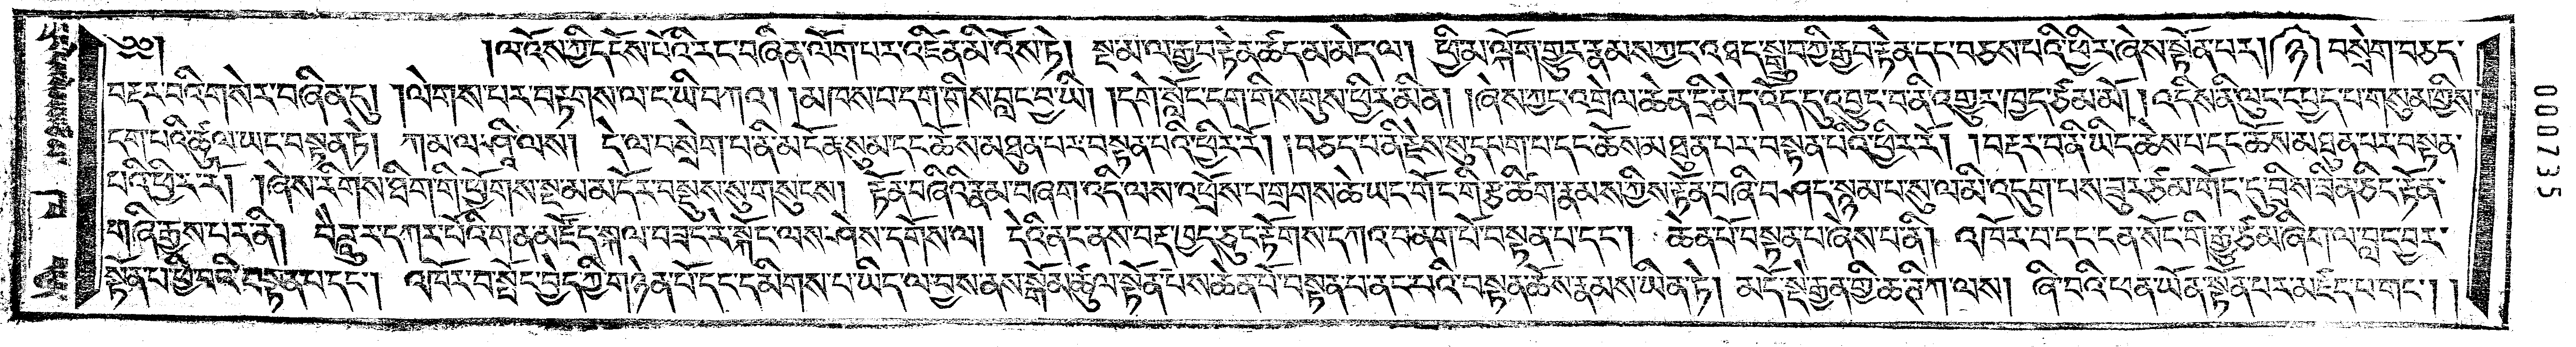༄༅། །ལ་འོས་ཀྱི་དངོས་པོའི་རང་བཞིན་ལོག་པར་འཛིན་མི་འོས་ཏེ། སྔ་མ་ལ་རྒྱབ་རྟེན་ཚད་མ་མེད་ལ། ཕྱི་མ་ལྐོག་གྱུར་རྣམས་ཀྱང་འཐད་སྒྲུབ་ཀྱི་རྒྱབ་རྟེན་དང་བཅས་པའི་ཕྱིར་ཞེས་སྟོན་པར། ༼ཉ༽ བསྲེག་བཅད་
བརྡར་བའི་གསེར་བཞིན་དུ། །ལེགས་པར་བརྟགས་ལ་ང་ཡི་བཀའ། །མཁས་པ་དག་གིས་བླང་བྱ་ཡི། །དགེ་སློང་དག་གིས་གུས་ཕྱིར་མིན། །ཞེས་ཀྱང་འགྲེལ་ཆེན་དྲི་མེད་འོད་དུ་འབྱུང་བ་ནི་འགྱུར་ཁྱད་ཙམ་མོ། །འདིས་ནི་ལུང་དཔྱད་པ་གསུམ་གྱིས་
དག་པའི་ཚུལ་ཡང་བསྟན་ཏེ། ཀ་མ་ལ་ཤཱི་ལས། དེ་ལ་བསྲེག་པ་ནི་མངོན་སུམ་དང་ཆོས་མཐུན་པར་བསྟན་པའི་ཕྱིར་རོ། །བཅད་པ་ནི་རྗེས་སུ་དཔག་པ་དང་ཆོས་མཐུན་པར་བསྟན་པའི་ཕྱིར་རོ། །བརྡར་བ་ནི་ཡིད་ཆེས་པ་དང་ཆོས་མཐུན་པར་བསྟན་
པའི་ཕྱིར་རོ། །ཞེས་རིགས་ཐིག་གི་ཕྱོགས་སྔ་མ་མདོར་བསྡུས་སུ་གསུངས། རྟོན་བཞིའི་རྣམ་བཞག་འདི་ལས་འཕྲོས་པ་གྲགས་ཆེ་ཡང་གོང་གི་རྩ་ཚིག་རྣམས་ཀྱིས་རྟོན་བཞི་བཤད་སྙམ་པ་སུ་ལ་མི་འདུག་པས་ཟུར་ཙམ་གོང་དུ་བྲིས་ཟིན་ཅིང་རྟོན་
བཞི་རྒྱས་པར་ནི། བཻཌཱུར་དཀར་པོའི་གན་མཛོད་སྐལ་བཟང་རེ་སྐོང་ལས་ཤེས་དགོས་ལ། དེའི་ནང་ནས་བརྡ་ཁྱད་ཅུང་རྟོགས་དཀའ་བ་ནག་པོ་བསྟན་པ་དང་། ཆེན་པོ་བསྟན་པ་ཞེས་པ་ནི། འཁོར་བ་དང་ངན་སོང་གི་རྒྱུ་ཙམ་ཞིག་ལ་བླང་བྱར་
སྟོན་པ་ཕྱི་པའི་བསྟན་པ་དང་། འཁོར་བ་སྤོང་བྱེད་ཀྱི་གཉེན་པོ་དང་དམིགས་པ་ཡིད་ལ་བྱས་ནས་སྒོམ་ཚུལ་སྟོན་པས་ཆེན་པོ་བསྟན་པ་ནང་པའི་བསྟན་ཆོས་རྣམས་ཡིན་ཏེ། མདོ་སྡེ་རྒྱན་གྱི་ཆ་ཊིཀ་ལས། ཞི་བའི་ཕན་ཡོན་སྟོན་པར་མཛད་པ་གང་། །